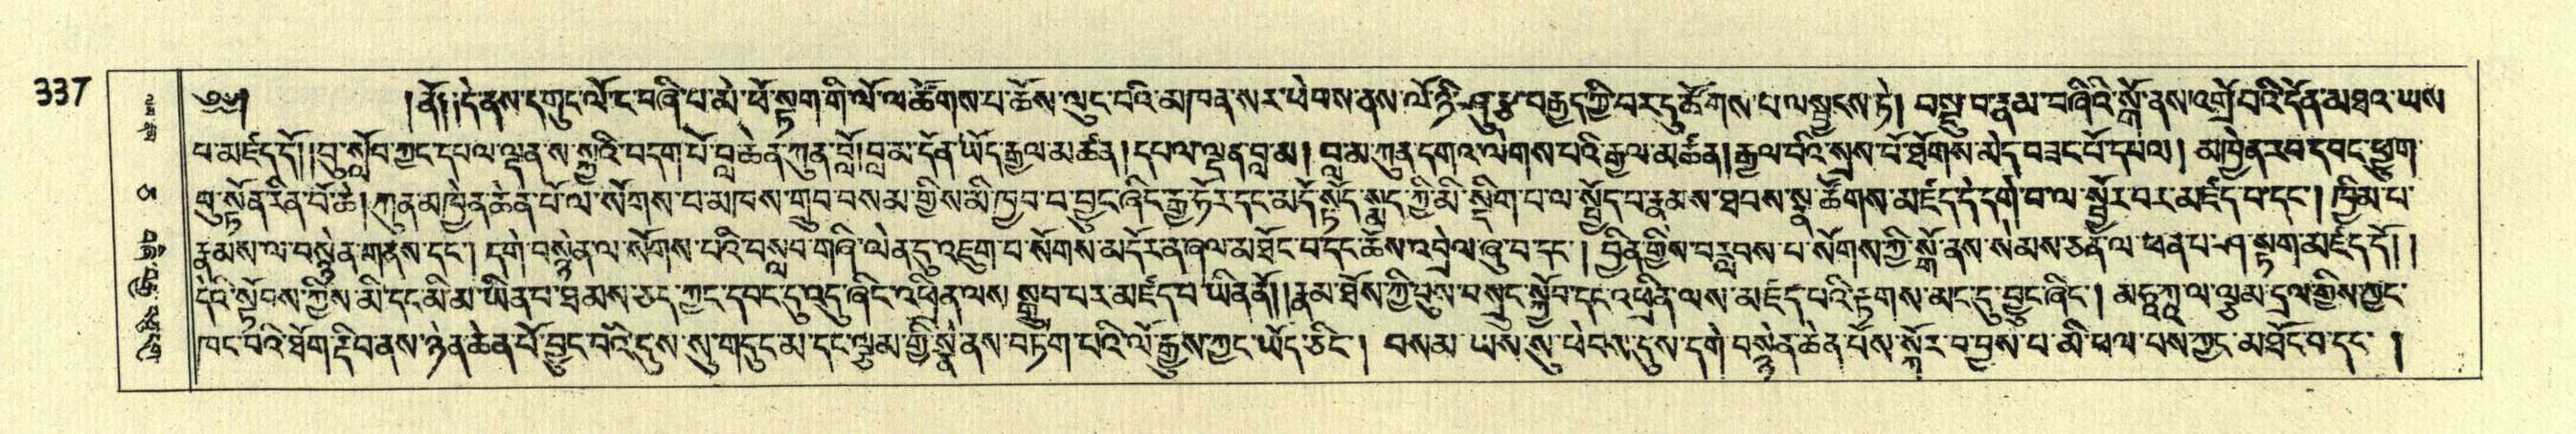༄༅། །ནོ༑ ༑དེ་ནས་དགུང་ལོ་ང་བཞི་པ་མེ་ཕོ་སྟག་གི་ལོ་ལ་ཚོགས་པ་ཆོས་ལུང་པའི་མཁན་སར་ཕེབས་ནས་ལོ་ཉི་ཤུ་རྩ་བརྒྱད་ཀྱི་བར་དུ་ཚོགས་པ་ལ་སྦྱངས་ཏེ། བསྡུ་བ་རྣམ་བཞིའི་སྒོ་ནས་འགྲོ་བའི་དོན་མཐའ་ཡས་
པ་མཛད་དོ། །བུ་སློབ་ཀྱང་དཔལ་ལྡན་ས་སྐྱའི་བདག་པོ་བླ་ཆེན་ཀུན་བློ། བླ་མ་དོན་ཡོད་རྒྱལ་མཚན། དཔལ་ལྡན་བླ་མ། བླ་མ་ཀུན་དགའ་ལེགས་པའི་རྒྱལ་མཚན། རྒྱལ་བའི་སྲས་པོ་ཐོགས་མེད་བཟང་པོ་དཔལ། མཁྱེན་རབ་དབང་ཕྱུག་
བུ་སྟོན་རིན་པོ་ཆེ། ཀུན་མཁྱེན་ཆེན་པོ་ལ་སོགས་པ་མཁས་གྲུབ་བསམ་གྱིས་མི་ཁྱབ་བ་བྱུང་ཞིང་རྒྱ་ཧོར་དང་མདོ་སྟོད་སྨད་ཀྱི་མི་སྡིག་པ་ལ་སྤྱོད་པ་རྣམས་ཐབས་སྣ་ཚོགས་མཛད་དེ་དགེ་བ་ལ་སྦྱོར་བར་མཛད་བ་དང་། ཁྱིམ་པ་
རྣམས་ལ་བསྙེན་གནས་དང་། དགེ་བསྙེན་ལ་སོགས་པའི་བསླབ་གཞི་ལེན་དུ་འཇུག་པ་སོགས་མདོར་ན་ཞལ་མཐོང་བ་དང་ཆོས་འབྲེལ་ཞུ་བ་དང་། བྱིན་གྱིས་བརླབས་པ་སོགས་ཀྱི་སྒོ་ནས་སེམས་ཅན་ལ་ཕན་པ་ཤ་སྟག་མཛད་དོ། །
དེའི་སྟོབས་ཀྱིས་མི་དང་མི་མ་ཡིན་པ་ཐམས་ཅད་ཀྱང་དབང་དུ་འདུ་ཞིང་འཕྲིན་ལས་སྒྲུབ་པར་མཛད་བ་ཡིན་ནོ། །རྣམ་ཐོས་ཀྱི་བུས་བསྲུང་སྐྱོབ་དང་འཕྲིན་ལས་མཛད་པའི་རྟགས་མང་དུ་བྱུང་ཞིང་། མཧཱ་ཀཱ་ལ་ལྕམ་དྲལ་གྱིས་ཀྱང་
ཁང་བའི་ཐོག་རྡིབ་ནས་ཉེན་ཆེན་པོ་བྱུང་བའི་དུས་སུ་གདུང་མ་དང་ལྕམ་གྱི་སྣེ་ནས་བཏེག་པའི་ལོ་རྒྱུས་ཀྱང་ཡོད་ཅིང་། བསམ་ཡས་སུ་ཕེབས་དུས་དགེ་བསྙེན་ཆེན་པོས་སྐོར་བ་བྱས་པ་མི་ཕལ་བས་ཀྱང་མཐོང་བ་དང་།